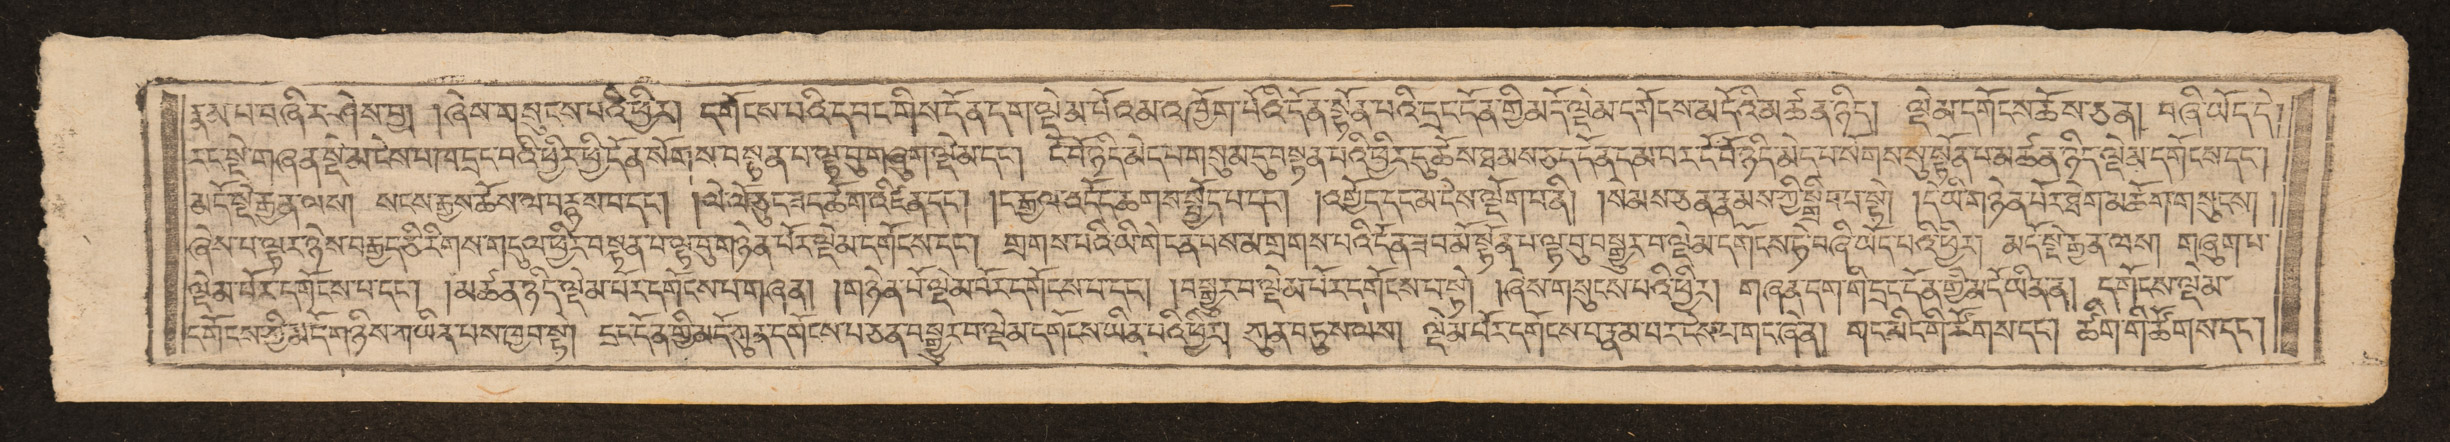རྣམ་པ་བཞིར་ཤེས་བྱ། །ཞེས་གསུངས་པའི་ཕྱིར། དགོངས་པའི་དབང་གིས་དོན་དག་ལྡེམ་པོའམ་འཁྱོག་པོའི་དོན་སྟོན་པའི་དྲང་དོན་གྱི་མདོ་ལྡེམ་དགོངས་མངོའི་མཚན་ཉིད། ལྡེམ་དགོངས་ཆོས་ཅན། བཞི་ཡོད་དེ།
རང་སྡེ་གཞན་སྡེ་མ་ངེས་པ་ཁ་དྲང་བའི་ཕྱིར་ཕྱི་དོན་སོགས་བསྟན་པ་ལྟ་བུ་གཞུག་ལྡེམ་དང་། ངོ་བོ་ཉིད་མེད་པ་གསུམ་དུ་བསྟན་པའི་ཕྱིར་དུ་ཆོས་ཐམས་ཅད་དོན་དམ་པར་ངོ་བོ་ཉིད་མེད་པ་སོགས་སུ་སྟོན་པ་མཚན་ཉིད་ལྡེམ་དགོངས་དང་།
མདོ་སྡེ་རྒྱན་ལས། སངས་རྒྱས་ཆོས་ལ་བརྙས་པ་དང་། །ལེ་ལོ་ཅུང་ཟད་ཆོག་འཛིན་དང་། །ང་རྒྱལ་འདོད་ཆགས་སྤྱོད་པ་དང་། །འགྱོད་དང་མ་ངེས་ལྡོག་པ་ནི། །སེམས་ཅན་རྣམས་ཀྱི་སྒྲིབ་པ་སྟེ། །དེ་ཡི་གཉེན་པོར་ཐེག་མཆོག་གསུངས། །
ཞེས་པ་ལྟར་ཉེས་བརྒྱད་ཅི་རིགས་གདུལ་ཕྱིར་བསྟན་པ་ལྟ་བུ་གཉེན་པོར་ལྡེམ་དགོངས་དང་། གྲགས་པའི་ཡི་གེ་ངན་བས་མ་གྲགས་པའི་དོན་ཟབ་མོ་སྟོན་པ་ལྟ་བུ་བསྒྱུར་བ་ལྡེམ་དགོངས་ཏེ་བཞི་ཡོད་པའི་ཕྱིར། མདོ་སྡེ་རྒྱན་ལས། གཞུག་པ་
ལྡེམ་པོར་དགོངས་པ་དང་། །མཚན་ཉིད་ལྡེམ་པོར་དགོངས་པ་གཞན། །གཉེན་པོ་ལྡེམ་པོར་དགོངས་པ་དང་། །བསྒྱུར་བ་ལྡེམ་པོར་དགོངས་པ་སྟེ། །ཞེས་གསུངས་པའི་ཕྱིར། གཞན་དག་གི་དྲང་དོན་གྱི་མདོ་ཡིན་ན། དགོངས་ལྡེམ་
དགོངས་ཀྱི་མདོ་གཉིས་ཀ་ཡིན་པས་ཁྱབ་སྟེ། དྲང་དོན་གྱི་མདོ་ཀུན་དགོངས་པ་ཅན་བསྒྱུར་བ་ལྡེམ་དགོངས་ཡིན་པའི་ཕྱིར། ཀུན་བཏུས་ལས། ལྡེམ་པོར་དགོངས་པ་རྣམ་པར་ངེས་པ་གང་ཞེ་ན། གང་མིང་གི་ཚོགས་དང་། ཚིག་གི་ཚོགས་དང་།